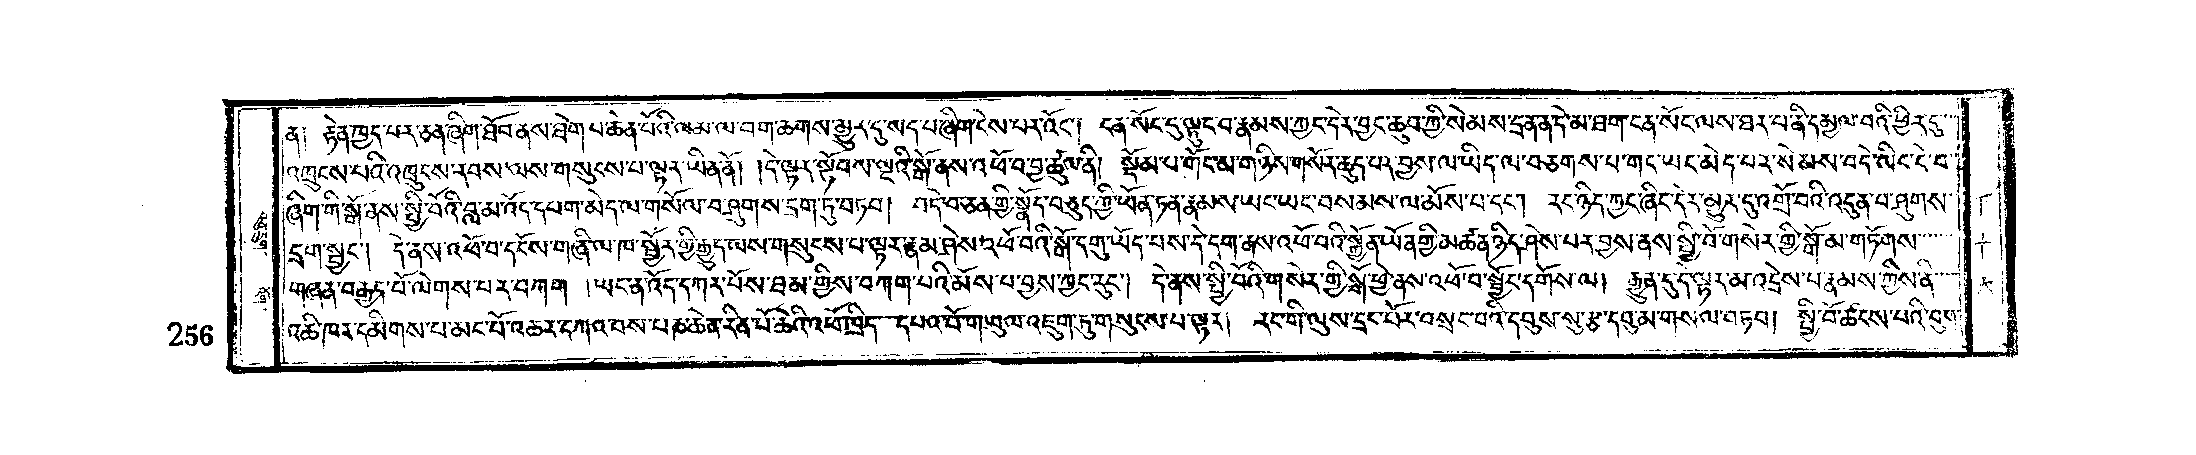ན། རྟེན་ཁྱད་པར་ཅན་ཞིག་ཐོབ་ནས་ཐེག་པ་ཆེན་པོའི་ལམ་ལ་བག་ཆགས་མྱུར་དུ་སད་པ་ཞིག་ངེས་པར་འོང་། ངན་སོང་དུ་ལྟུང་བ་རྣམས་ཀྱང་དེར་བྱང་ཆུབ་ཀྱི་སེམས་དྲན་ན་དེ་མ་ཐག་ངན་སོང་ལས་ཐར་པ་ནི་དམྱལ་བའི་ཕྱིར་དུ་
འཁྲུངས་པའི་འཁྲུངས་རབས་ལས་གསུངས་པ་ལྟར་ཡིན་ནོ། །དེ་ལྟར་སྟོབས་ལྔའི་སྒོ་ནས་འཕོ་བ་བྱ་ཚུལ་ནི། སྡོམ་པ་གོང་མ་གཉིས་གསོར་ཆུད་པར་བྱས་ལ་ཡིད་ལ་བཅགས་པ་གང་ཡང་མེད་པར་སེམས་བདེ་སིང་དེ་བ་
ཞིག་གི་སྒོ་ནས་སྤྱི་བོའི་བླ་མ་འོད་དཔག་མེད་ལ་གསོལ་བ་ཤུགས་དྲག་ཏུ་བཏབ། བདེ་བ་ཅན་གྱི་སྣོད་བཅུད་ཀྱི་ཡོན་ཏན་རྣམས་ཡང་ཡང་བསམས་ལ་མོས་པ་དང་། རང་ཉིད་ཀྱང་ཞིང་དེར་མྱུར་དུ་འགྲོ་བའི་འདུན་པ་ཤུགས་
དྲག་སྦྱང་། དེ་ནས་འཕོ་བ་དངོས་གཞི་ལ་ཁ་སྦྱོར་གྱི་རྒྱུད་ལས་གསུངས་པ་ལྟར་རྣམ་ཤེས་འཕོ་བའི་སྒོ་དགུ་ཡོད་པས་དེ་དག་ནས་འཕོ་བའི་སྐྱོན་ཡོན་གྱི་མཚན་ཉིད་ཤེས་པར་བྱས་ནས་སྤྱི་བོ་གསེར་གྱི་སྒོ་མ་གཏོགས་
གཞན་བརྒྱད་པོ་ལེགས་པར་བཀག །ཡང་ན་འོད་དཀར་པོས་ཐམ་གྱིས་བཀག་པའི་མོས་པ་བྱས་ཀྱང་རུང་། དེ་ནས་སྤྱི་བོའི་གསེར་གྱི་སྒོ་ཕྱེ་ནས་འཕོ་བ་སྦྱོང་དགོས་ལ། རྒྱུན་དུ་དེ་ལྟར་མ་འདྲེས་པ་རྣམས་ཀྱིས་ནི་
འཆི་ཁར་དམིགས་པ་མང་པོ་འཆར་དཀའ་བས་པཎ་ཆེན་རིན་པོ་ཆེའི་འཕོ་ཁྲིད་དཔའ་བོ་གཡུལ་འཇུག་ཏུ་གསུངས་པ་ལྟར། རང་གི་ལུས་དྲང་པོར་བསྲང་བའི་དབུས་སུ་རྩ་དབུ་མ་གསལ་བཏབ། སྤྱི་བོ་ཚངས་པའི་བུག་